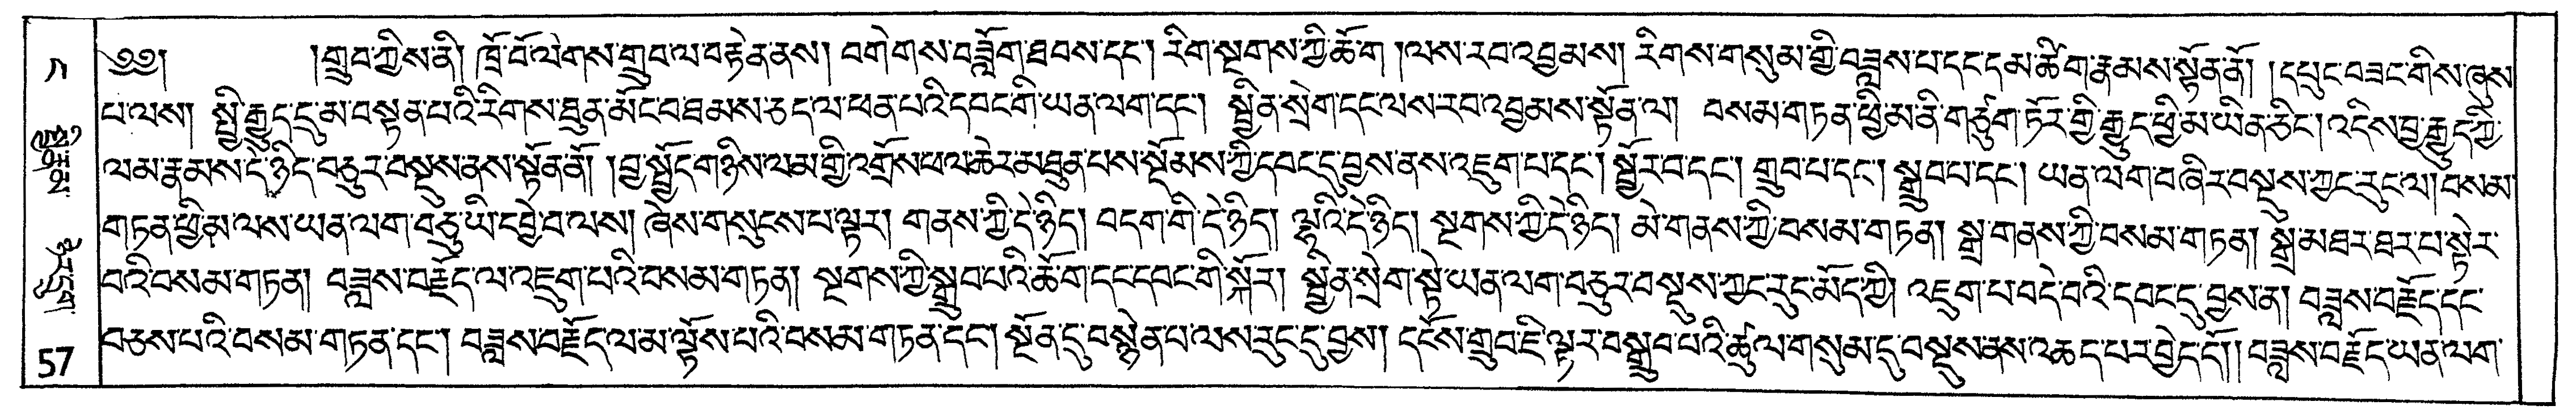༄༅། །གྲུབ་ཀྱིས་ནི། ཁྲོ་བོ་ལེགས་གྲུབ་ལ་བརྟེན་ནས། བགེགས་བཟློག་ཐབས་དང་། རིག་སྔགས་ཀྱི་ཆོ་ག །ལས་རབ་འབྱམས། རིགས་གསུམ་གྱི་བཟླས་པ་དང་དམ་ཚིག་རྣམས་སྟོན་ནོ། །དཔུང་བཟང་གིས་ཞུས་
པ་ལས། སྤྱི་རྒྱུད་དུ་མ་བསྟན་པའི་རིགས་ཐུན་མོང་བ་ཐམས་ཅད་ལ་ཕན་པའི་དབང་གི་ཡན་ལག་དང་། སྦྱིན་སྲེག་དང་ལས་རབ་འབྱམས་སྟོན་ལ། བསམ་གཏན་ཕྱི་མ་ནི་གཙུག་ཏོར་གྱི་རྒྱུད་ཕྱི་མ་ཡིན་ཅིང་། འདིས་བྱ་རྒྱུད་ཀྱི་
ལམ་རྣམས་དེ་ཉིད་བཅུར་བསྡུས་ནས་སྟོན་ནོ། །བྱ་སྤྱོད་གཉིས་ལམ་གྱི་འགྲོས་ཕལ་ཆེར་མཐུན་པས་སྡོམས་ཀྱི་དབང་དུ་བྱས་ནས་འཇུག་པ་དང་། སྦྱོར་བ་དང་། གྲུབ་པ་དང་། སྒྲུབ་པ་དང་། ཡན་ལག་བཞིར་བསྡུས་ཀྱང་རུང་ལ། བསམ་
གཏན་ཕྱི་མ་ལས་ཡན་ལག་བཅུ་ཡི་དབྱེ་བ་ལས། ཞེས་གསུངས་པ་ལྟར། གནས་ཀྱི་དེ་ཉིད། བདག་གི་དེ་ཉིད། ལྷའི་དེ་ཉིད། སྔགས་ཀྱི་དེ་ཉིད། མེ་གནས་ཀྱི་བསམ་གཏན། སྒྲ་གནས་ཀྱི་བསམ་གཏན། སྒྲ་མཐར་ཐར་པ་སྟེར་
བའི་བསམ་གཏན། བཟླས་བརྗོད་ལ་འཇུག་པའི་བསམ་གཏན། སྔགས་ཀྱི་སྒྲུབ་པའི་ཆོ་ག་དང་དབང་གི་སྐོར། སྦྱིན་སྲེག་སྟེ་ཡན་ལག་བཅུར་བསྡུས་ཀྱང་རུང་མོད་ཀྱི། འཇུག་པ་བདེ་བའི་དབང་དུ་བྱས་ན། བཟླས་བརྗོད་དང་
བཅས་པའི་བསམ་གཏན་དང་། བཟླས་བརྗོད་ལ་མ་ལྟོས་པའི་བསམ་གཏན་དང་། སྔོན་དུ་བསྙེན་པ་ལས་རུང་དུ་བྱས། དངོས་གྲུབ་ཇི་ལྟར་བསྒྲུབ་པའི་ཚུལ་གསུམ་དུ་བསྡུས་ནས་འཆད་པར་བྱེད་དོ། །བཟླས་བརྗོད་ཡན་ལག་